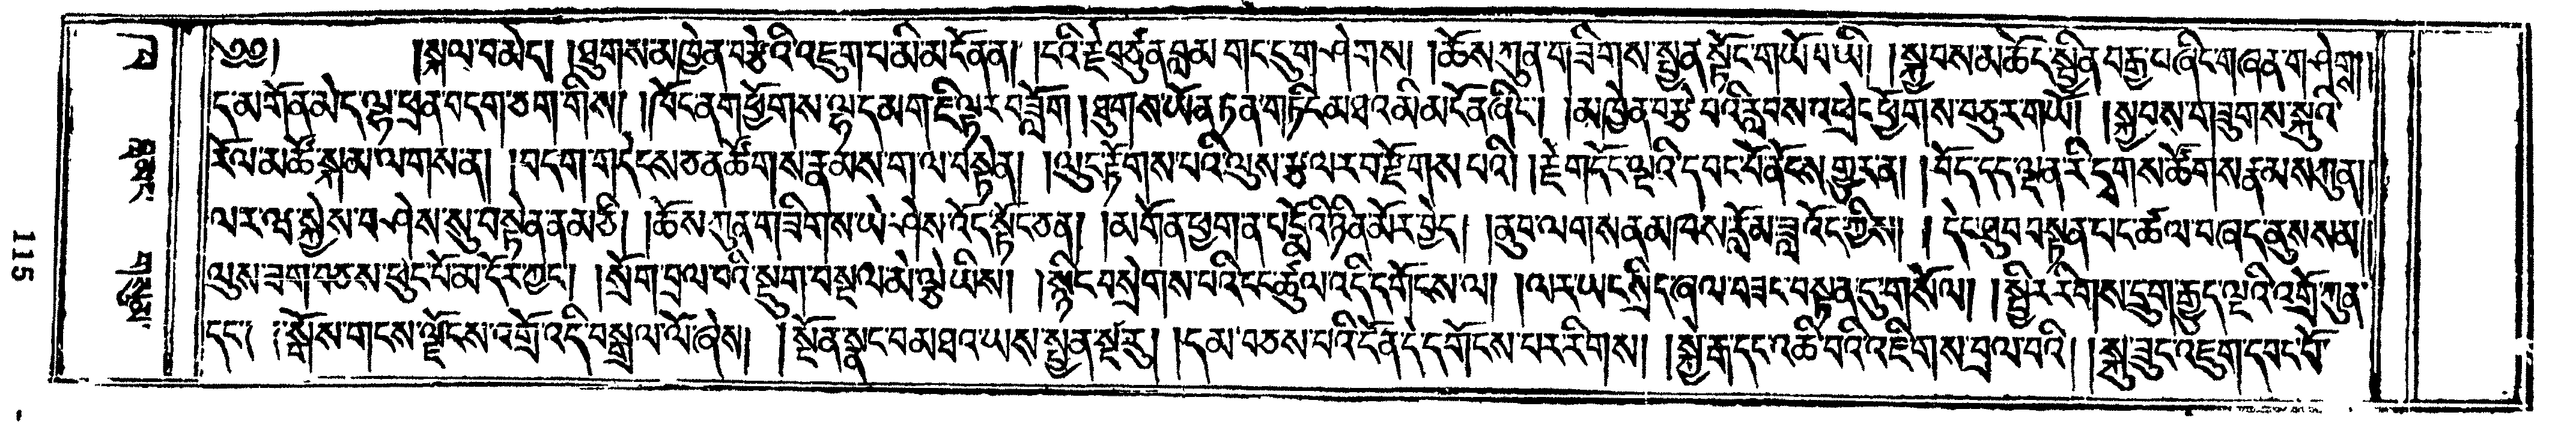༄༅། །སྐལ་བ་མེད། །ཐུགས་མཁྱེན་བརྩེའི་འཇུག་པ་མི་མངོན་ན། །ངའི་རྗེ་བཙུན་བླ་མ་གང་དུ་གཤེགས། །ཆོས་ཀུན་གཟིགས་སྤྱན་སྟོང་གཡོ་བ་ཡི། །སྐྱབས་མཆོད་སྦྱིན་བརྒྱ་པ་ཞིང་གཞན་གཤེགས།།
ད་མགོན་མེད་ལྷ་ཕྲན་བདག་ཅག་གིས། །ཁོང་ནག་ཕྱོགས་ལྷ་དམག་ཇི་ལྟར་བཟློག །ཐུགས་ཡོན་ཏན་གཏིང་མཐའ་མི་མངོན་ཞིང་། །མཁྱེན་བརྩེ་བའི་རླབས་འཕྲེང་ཕྱོགས་བཅུར་གཡོ། །སྐྱབས་གཟུགས་སྐུའི་
རོལ་མཚོ་སྐམ་ལགས་ན། །བདག་གདེངས་ཅན་ཚོགས་རྣམས་ག་ལ་བསྟེན། །ལུང་རྟོགས་པའི་ལུས་རྩལ་རབ་རྫོགས་པའི། །རྗེ་གདོང་ལྔའི་དབང་པོ་ནོངས་གྱུར་ན། །བོད་དད་ལྡན་རི་དྭགས་ཚོགས་རྣམས་ཀུན།།
ལར་ཝ་སྐྱེས་བཤེས་སུ་བརྟེན་ནམ་ཅི། །ཆོས་ཀུན་གཟིགས་ཡེ་ཤེས་འོད་སྟོང་ཅན། །མགོན་ཕྱག་ན་པདམོའི་ཉིན་མོར་བྱེད། །ནུབ་ལགས་ན་མཁས་རློམ་ཟླ་འོད་ཀྱིས། །དེང་ཐུབ་བསྟན་པང་ཚལ་བཞད་ནུས་སམ།།
ལུས་ཟག་བཅས་ཕུང་པོ་མ་དོར་ཀྱང་། །སྲོག་བྲལ་བའི་སྡུག་བསྔལ་མེ་ལྕེ་ཡིས། །སྙིང་བསྲེགས་པའི་ངང་ཚུལ་འདི་དགོངས་ལ། །ལར་ཡང་སྲིད་ཞལ་བཟང་བསྟན་དུ་གསོལ། །སྦྱིར་རིགས་དྲུག་རྒྱུད་ལྔའི་འགྲོ་ཀུན་
དང༑ ༑སྒོས་གངས་ལྗོངས་འགྲོ་འདི་བསྒྲལ་ལོ་ཞེས། །སྔོན་སྣང་བ་མཐའ་ཡས་སྤྱན་སྔ་རུ། །དམ་བཅས་པའི་དོན་དེ་དགོངས་པར་རིགས། །སྐྱེ་རྒ་དང་འཆི་བའི་འཇིགས་བྲལ་བའི། །སྐུ་ཟུང་འཇུག་དབང་བོ་